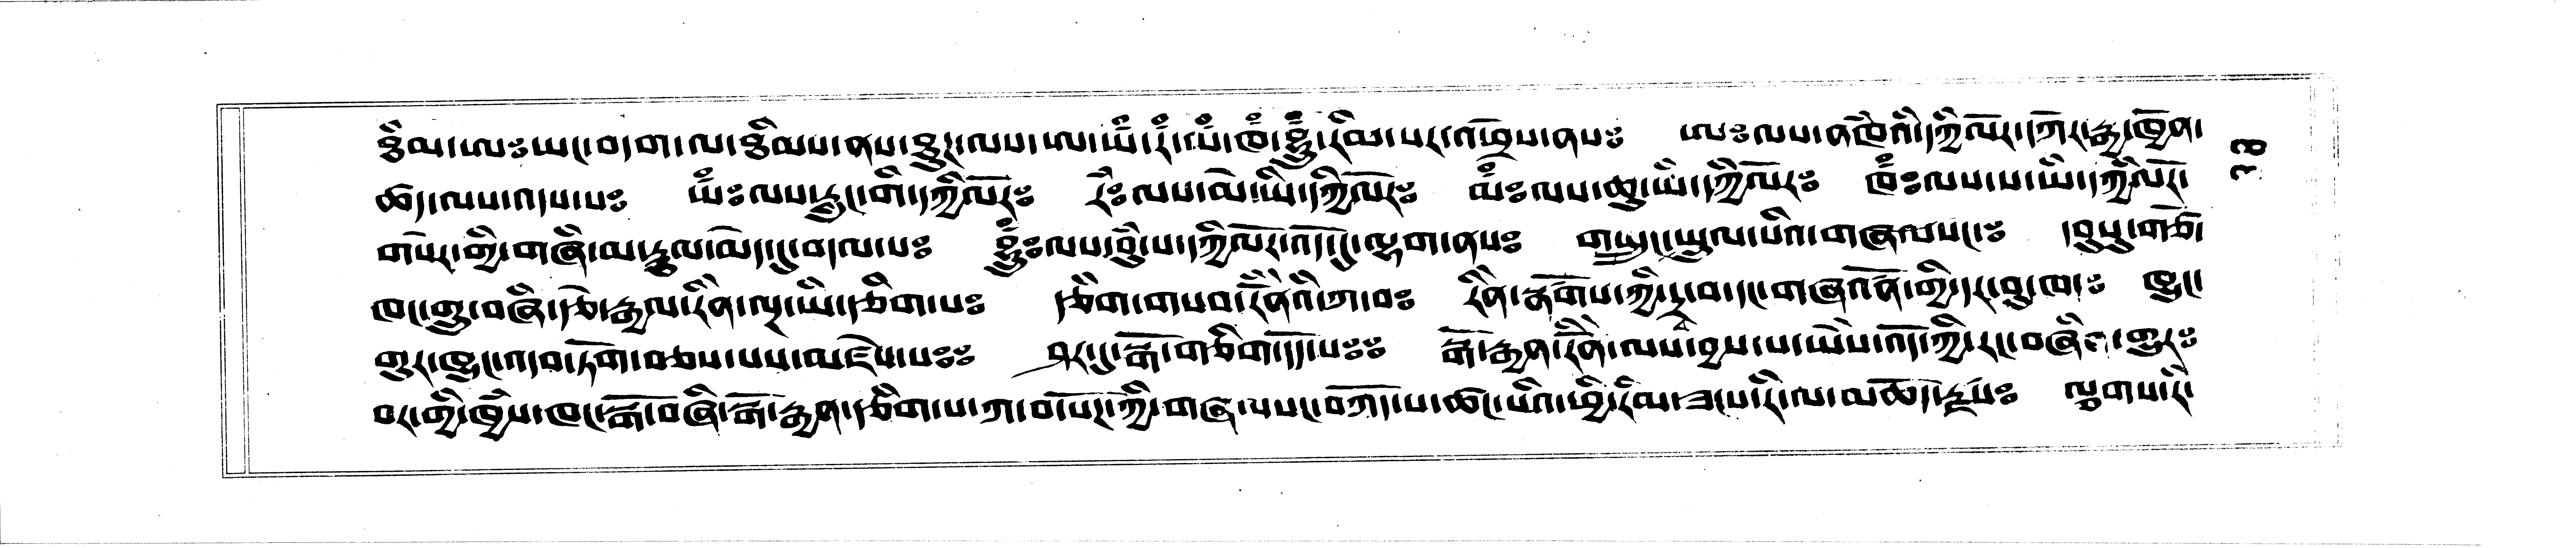ཐིམ་ཨ་ཡང་བདག་ལ་ཐིམ་ནས་ཐུགས་ལསཿ ཨ་ཡཾ་རཾ་མཾ་ཁཾ་བྷྲུཾ་རིམ་པར་འཕྲོས་ནསཿ ཨ་ལས་ནམ་མཁའི་དཀྱིལ་འཁོར་དཀར་པོ་རྒྱ་ཁྱོན་
ཚད་ལས་འདས་པཿ ཡཾ་ལས་རླུང་གི་དཀྱིལ་འཁོརཿ རཾ་ལས་མེ་ཡི་དཀྱིལ་འཁོརཿ མཾ་ལས་ཆུ་ཡི་དཀྱིལ་འཁོརཿ ཁཾ་ལས་ས་ཡི་དཀྱིལ་འཁོར་
གསེར་གྱི་གཞི་མ་རྡུལ་མེད་དུ་བདལ་པཿ བྲུཾ་ལས་བུམ་པའི་དཀྱིལ་འཁོར་འོད་དུ་ལྷག་ནསཿ གཡུང་དྲུང་སྤྲུལ་པའི་གཞལ་ཡས་ཁངཿ དབུས་སུ་གཙོ་
ཁང་གྲུ་བཞི་རྩེ་རྒྱལ་རིན་ཆེན་ལྔ་ཡི་རྩིག་པཿ རྩིག་གསབ་རིན་པོ་ཆེའི་ཀ་བཿ རིན་ཆེན་སྣ་ཚོགས་ཀྱི་དྲ་བ་དང་གཞའ་ཚོན་གྱི་དར་བུ་ཁདཿ ཁྱུང་
གུར་ཁྱུང་འདབ་ཏོག་བཅས་པས་མཛེས་པཿ ཤར་དུ་སྒོ་གཅིག་དོད་པཿ སྒོ་རྒྱན་རིན་པོ་ཆེ་ལས་བྱས་པ་ཡེ་ཤེས་འོད་ཀྱི་རང་བཞིན་དུ་གྱུརཿ 
བར་གྱི་ཁྱམས་ཁང་སྒོ་བཞི་སྒོ་རྒྱན་རྩིག་པ་ཀ་བ་སོགས་ཀྱི་གཞལ་ཡས་ཁང་བཀོད་པ་ཚང་བའི་ཕྱི་རིམ་ཟངས་རི་ལ་མཆོད་རྫསཿ ལྕགས་རི་